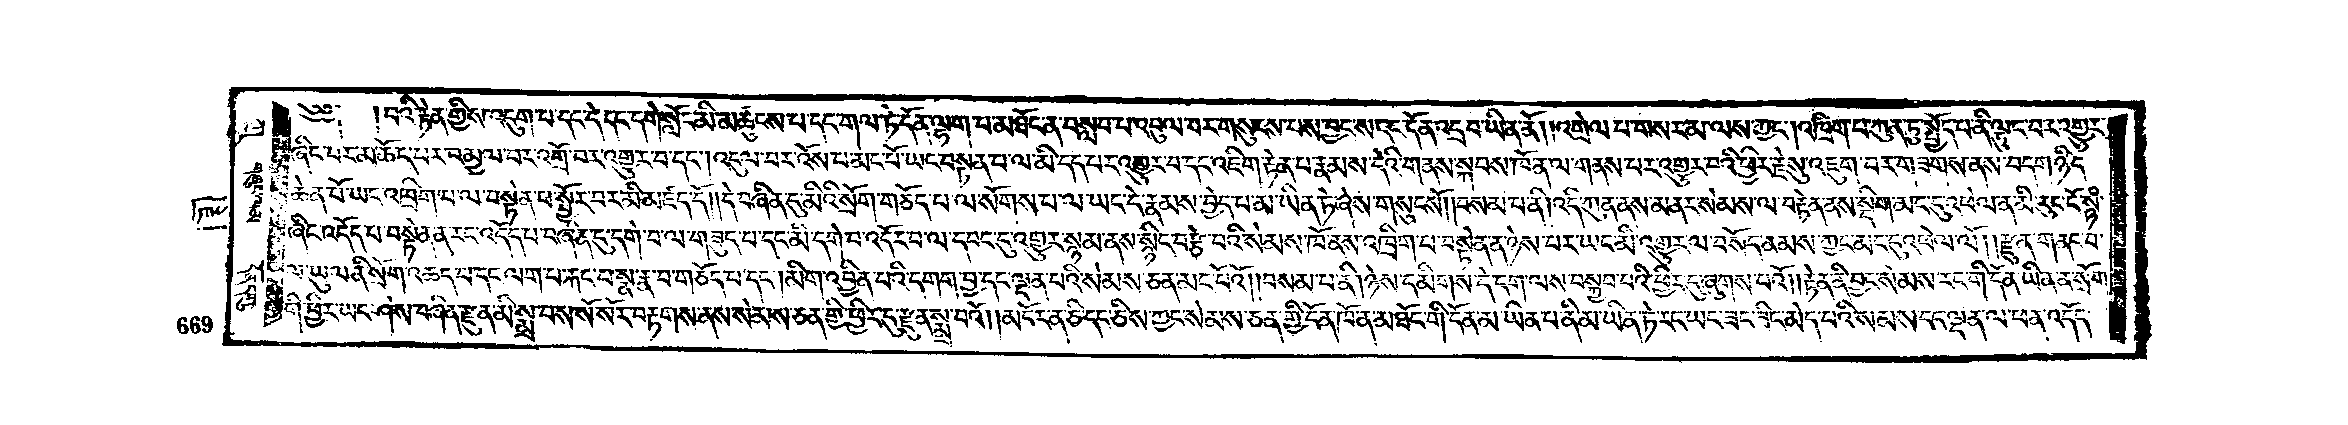༄༅། །པའི་རྟེན་གྱིས་འདུག་པ་དང་དེ་དང་དགེ་སློང་མི་མཚུངས་པ་དང་གལ་ཏེ་དོན་ལྷག་པ་མཐོང་ན་བསླབ་པ་འབུལ་བར་གསུངས་པས་བྱང་ས་དང་དོན་འདྲ་བ་ཡིན་ནོ། །འགྲེལ་པ་གསར་མ་ལས་ཀྱང་། འཁྲིག་པ་ཀུན་ཏུ་སྤྱོད་པ་ནི་ལྟུང་བར་འགྱུར་
ཞིང་པར་མཆོད་པར་དམྱལ་བར་འགྲོ་བར་འགྱུར་བ་དང་། འདུལ་བར་འོས་པ་མང་པོ་ཡང་བསྟན་པ་ལ་མི་དད་པར་འགྱུར་བ་དང་འཇིག་རྟེན་པ་རྣམས་དེའི་གནས་སྐབས་ཁོ་ན་ལ་གནས་པར་འགྱུར་བའི་ཕྱིར་རྗེས་སུ་འཇུག་བར་གཟིགས་ནས་བདག་ཉིད་
ཆེན་པོ་ཡང་འཁྲིག་པ་ལ་བསྟེན་པ་སྦྱོར་བར་མི་མཛད་དོ། །དེ་བཞིན་དུ་མིའི་སྲོག་གཅོད་པ་ལ་སོགས་པ་ལ་ཡང་དེ་རྣམས་བྱེད་པ་མ་ཡིན་ཏེ་ཞེས་གསུངས་སོ། །བསམ་པ་ནི། འདི་ཀུན་ནས་མནར་སེམས་ལ་བརྟེན་ནས་སྡིག་མང་དུ་འཕེལ་ན་མི་རུང་ངོ་སྙཾ་
ཞིང་འདོད་པ་བསྟེན་ན་རང་འདོད་པ་བཞིན་དུ་དགེ་བ་ལ་གཟུང་པ་དང་མི་དགེ་བ་འདོར་བ་ལ་དབང་དུ་འགྱུར་སྙམ་ནས་སྙིང་བརྩེ་བའི་སེམས་ཁོ་ནས་འཁྲིག་པ་བསྟེན་ན་ཉེས་པར་ཡང་མི་འགྱུར་ལ་བསོད་ནམས་ཀྱང་མང་དུ་འཕེལ་ལོ། །རྫུན་གནང་བ་
ལ་ཡུལ་ནི་སྲོག་འཆད་པ་དང་ལག་པ་རྐང་པ་སྣ་རྣ་བ་གཅོད་པ་དང་། མིག་འབྱིན་པའི་དགག་བྱ་དང་ལྡན་པའི་སེམས་ཅན་མང་པོའོ། །བསམ་པ་ནི། ཉེས་དམིགས་དེ་དག་ལས་བསྐྱབ་པའི་ཕྱིར་དུ་ཞུགས་པའོ། །རྟེན་ནི་བྱང་སེམས་རང་གི་དོན་ཡིན་ན་སྲོག་
གི་ཕྱིར་ཡང་ཤེས་བཞིན་རྫུན་མི་སྨྲ་བས་སོ་སོར་བརྟགས་ནས་སེམས་ཅན་གྱི་ཕྱིར་དུ་རྫུན་སྨྲ་བའོ། །མདོར་ན་ཅི་དང་ཅིས་ཀྱང་སེམས་ཅན་གྱི་དོན་ཁོ་ན་མཐོང་གི་དོན་མ་ཡིན་པ་ནི་མ་ཡིན་ཏེ་རང་ཡང་ཟང་ཟིང་མེད་པའི་སེམས་དང་ལྡན་ལ་ཕན་འདོད་